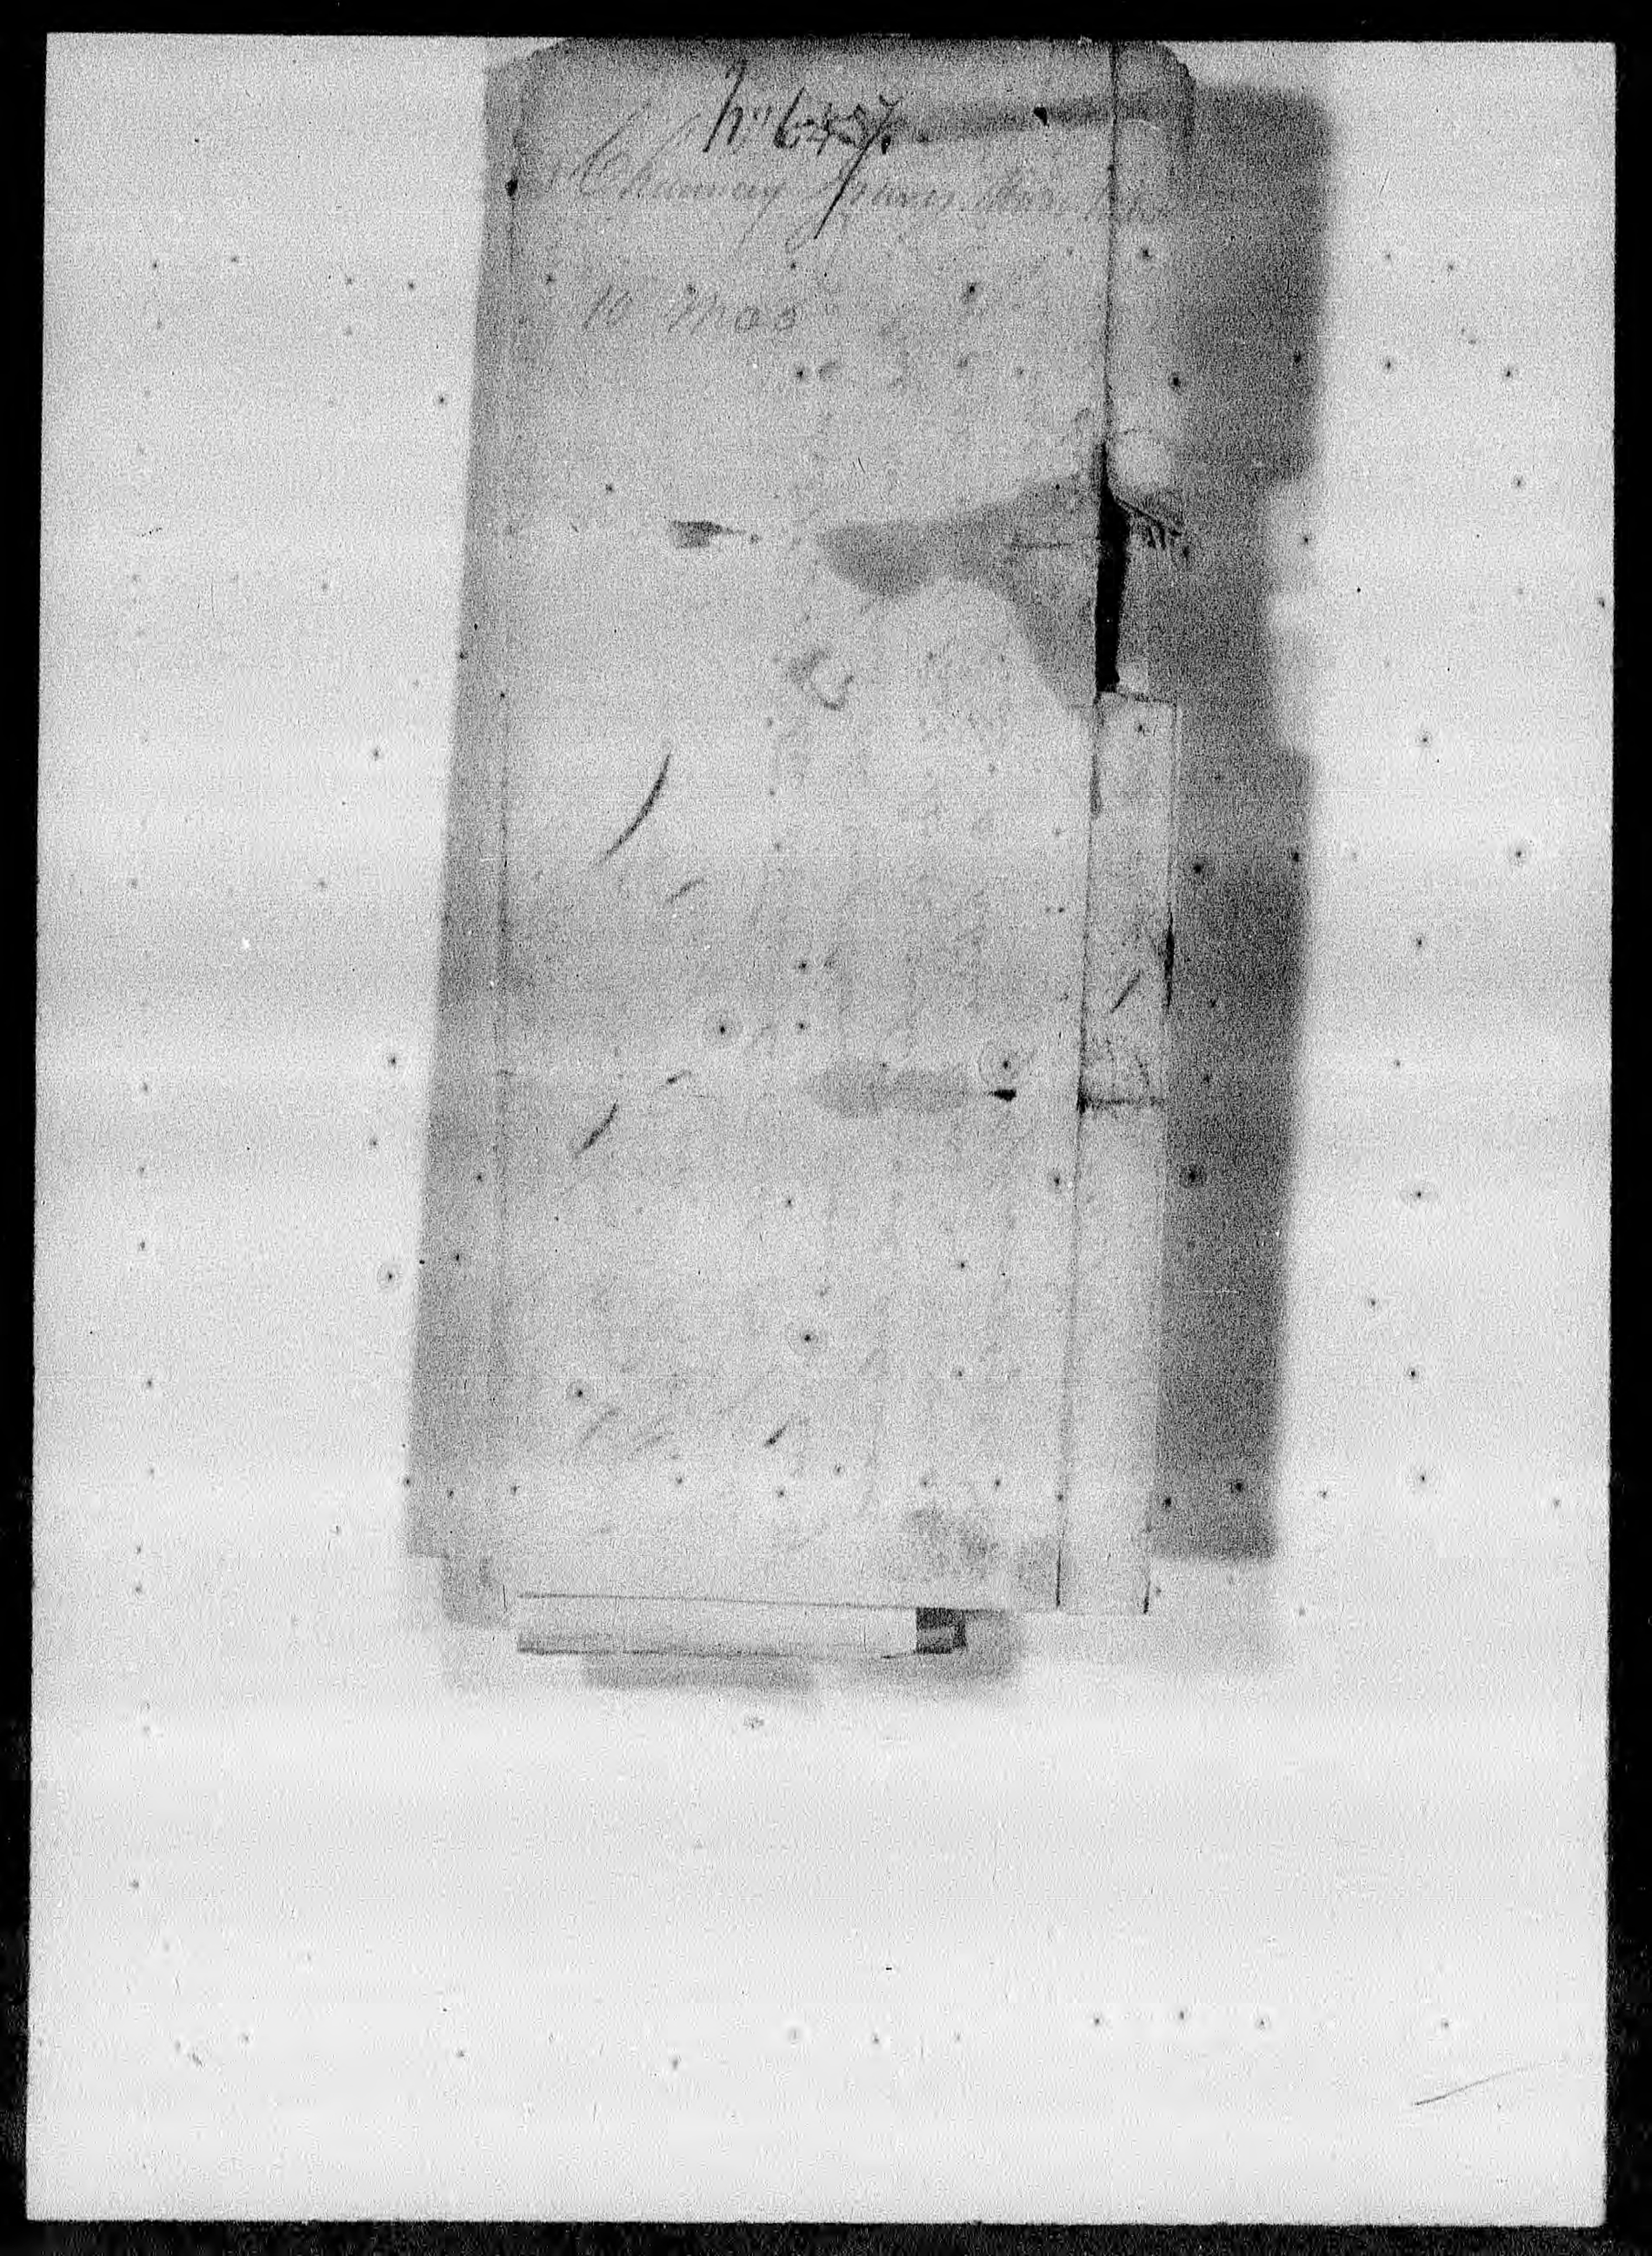Number 647
Chauncy Graves Revolutionary War
10 months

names: Chauncey Graves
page: 20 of 24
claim: survivor's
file: S. 15869, Chauncey Graves, Vt.